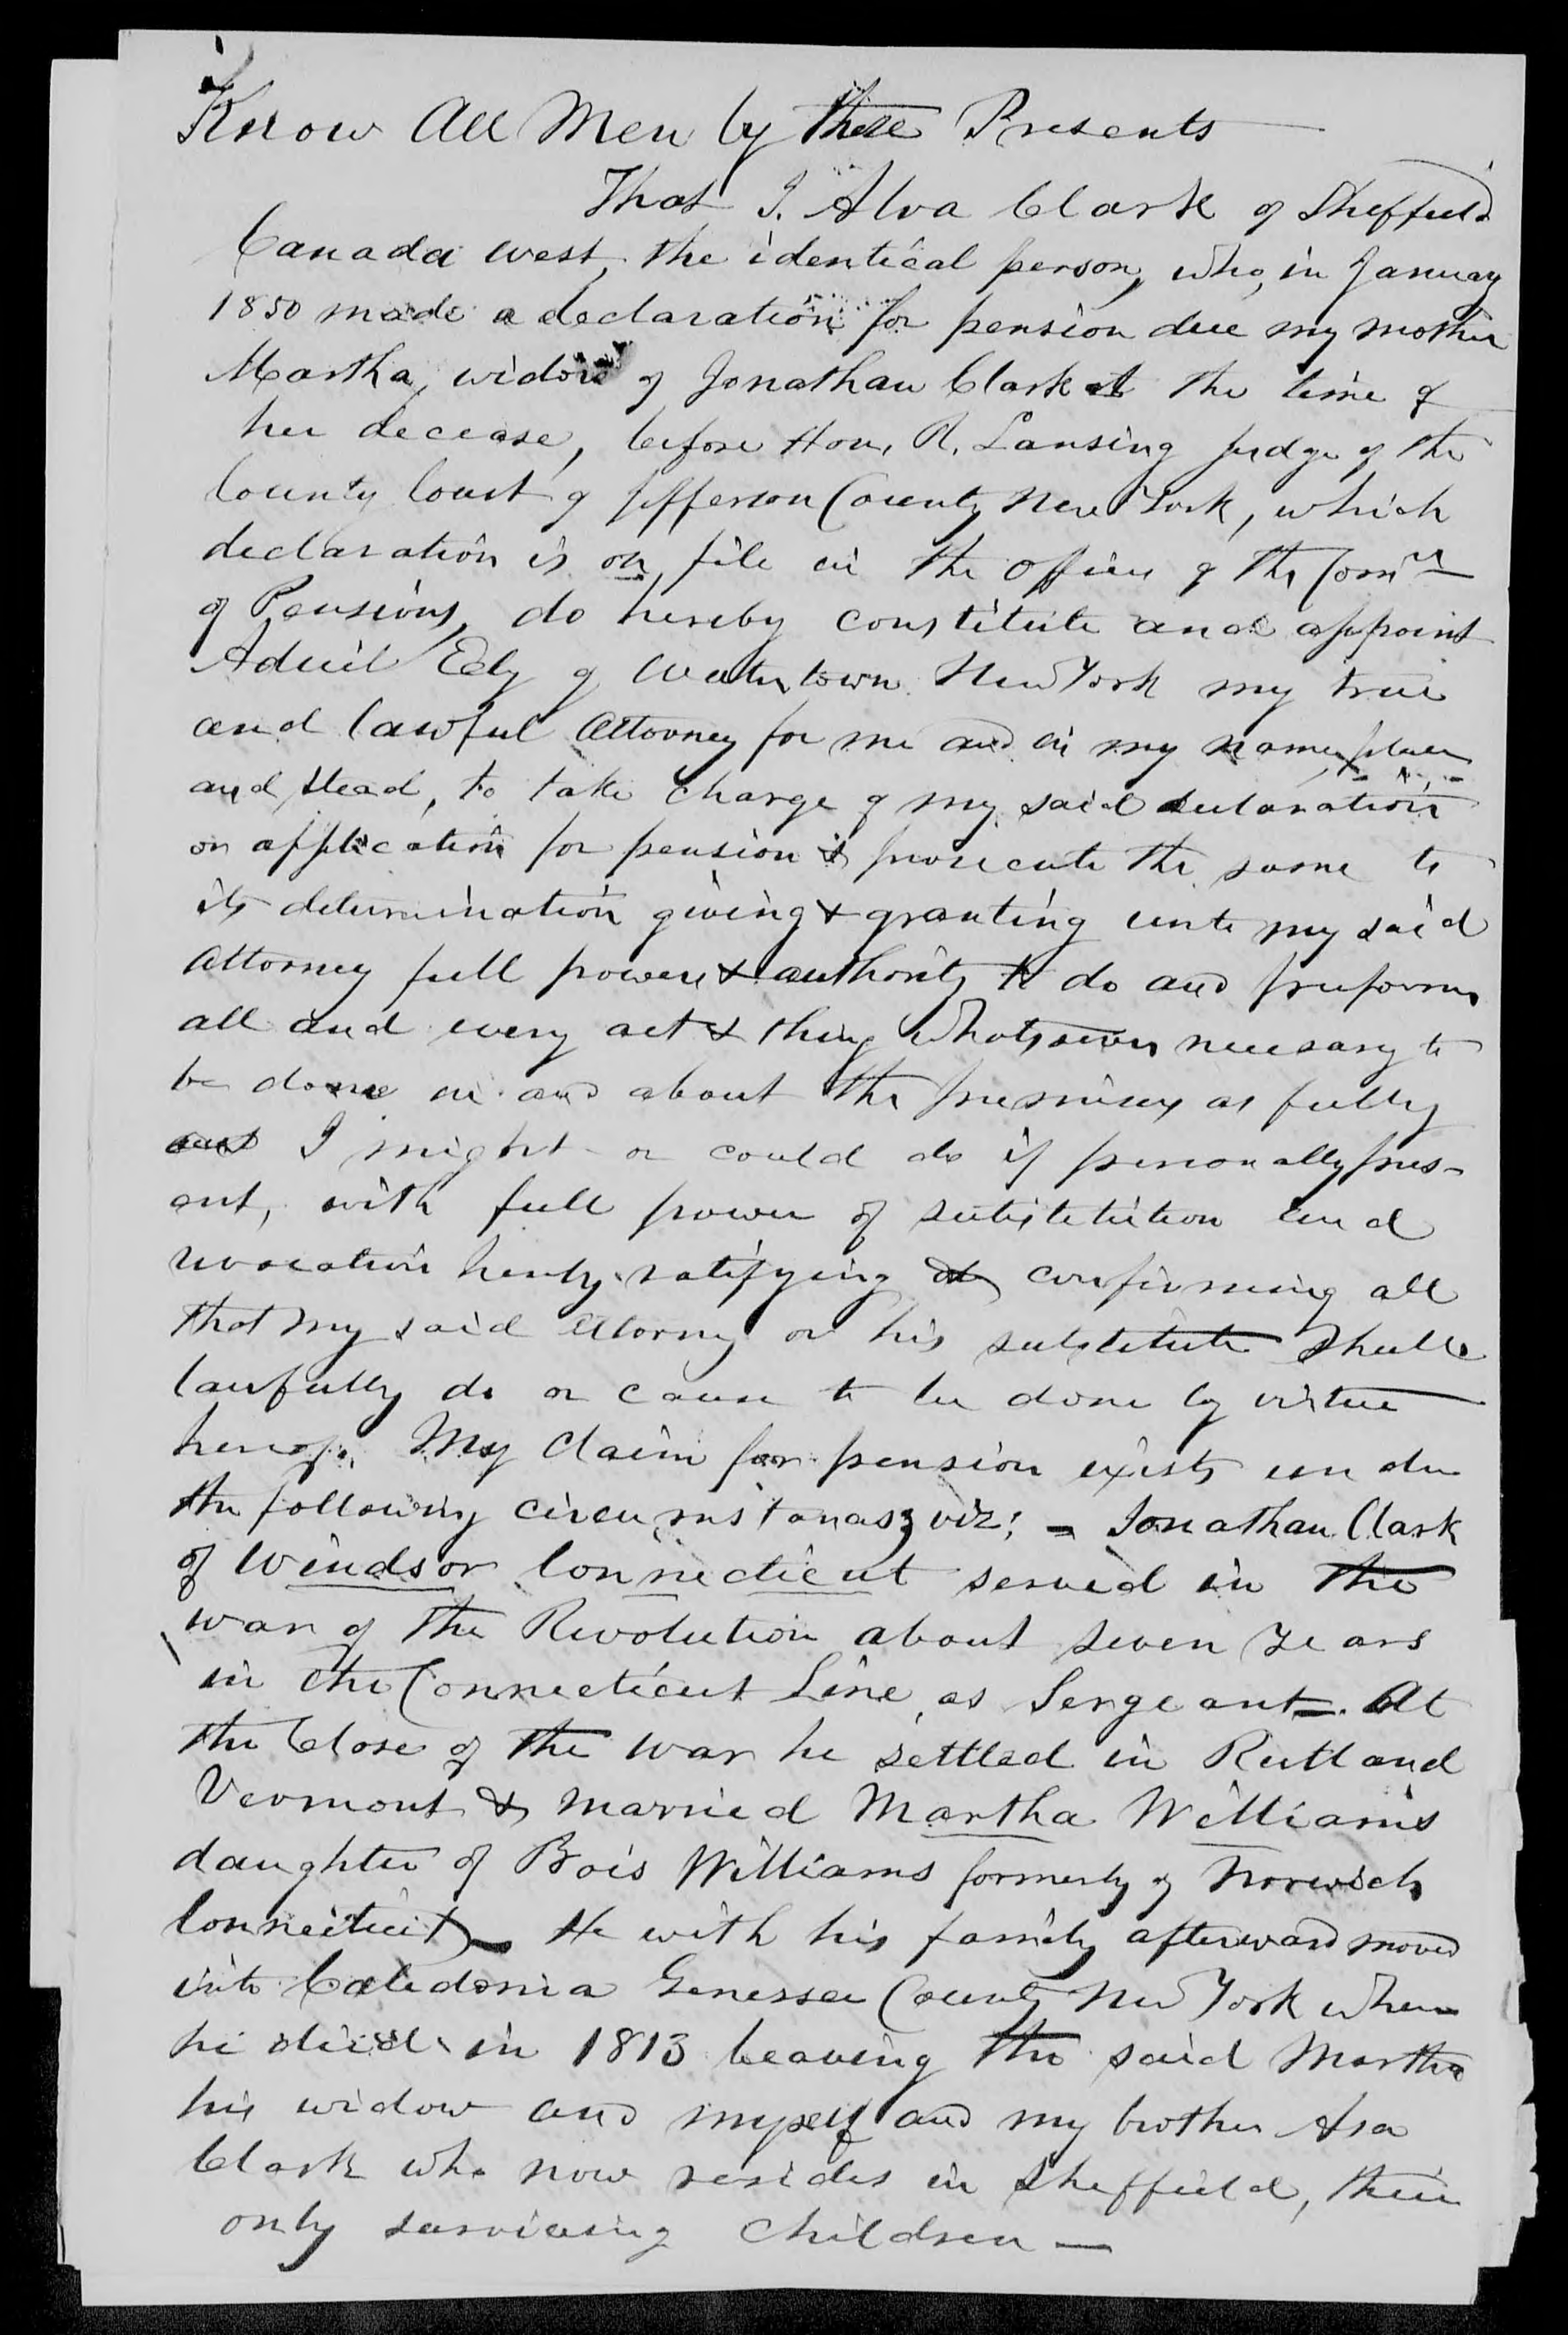Know All Men by these Presents
  That I, Alva Clark of Sheffeld Canada West, the identical person who, in January 1850 made a declaration for pension due my mother Martha, widow of Jonathan Clark at the time of her decease, before then, R. Lansing Judge of the County Court of Jefferson County New York, which declaration is on file in the office of the  Comr of Pensions do hereby constitute and appoint Adecil Ely of Watertown, New York my true and lawful attorney for me and in my name, place and stead, to take charge of my said declaration on application for pension & prosecute the same to its determination giving & granting unto my said attorney full power & authority to do and perform all and every act & thing whatever necessary to be done in and about the premises as fully as I might or could do if personally present, with full power of substitution and revocation hereby ratifying & confirming all that my said attorney or his substitute should lawfully do or cause to be done by virtue hereof.  My claim for pension exists under the following circumstances, viz: -  Jonathan Clark of Windsor Connecticut served in the war of the Revolution about seven years in the Connecticut Line as Sergeant_.  At the close of the war he settled in Rutland Vermont & married Martha Williams daughter of Bois Williams formerly of Norwich Connecticut- He with his family afterward moved into Caledonia Genessee County New York where he lived in 1813 leaving the said Martha his widow and myself and my brother Asa Clark who now resides in Sheffield, their only surviving children -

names: Williams, Alva Clark, Adecil Ely, Asa Clark, Martha, R Lansing, Jonathan Clark, Jonathan Clark, Martha Williams, Martha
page: 3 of 26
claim: rejected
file: R. 2001, Jonathan Clark, Conn.